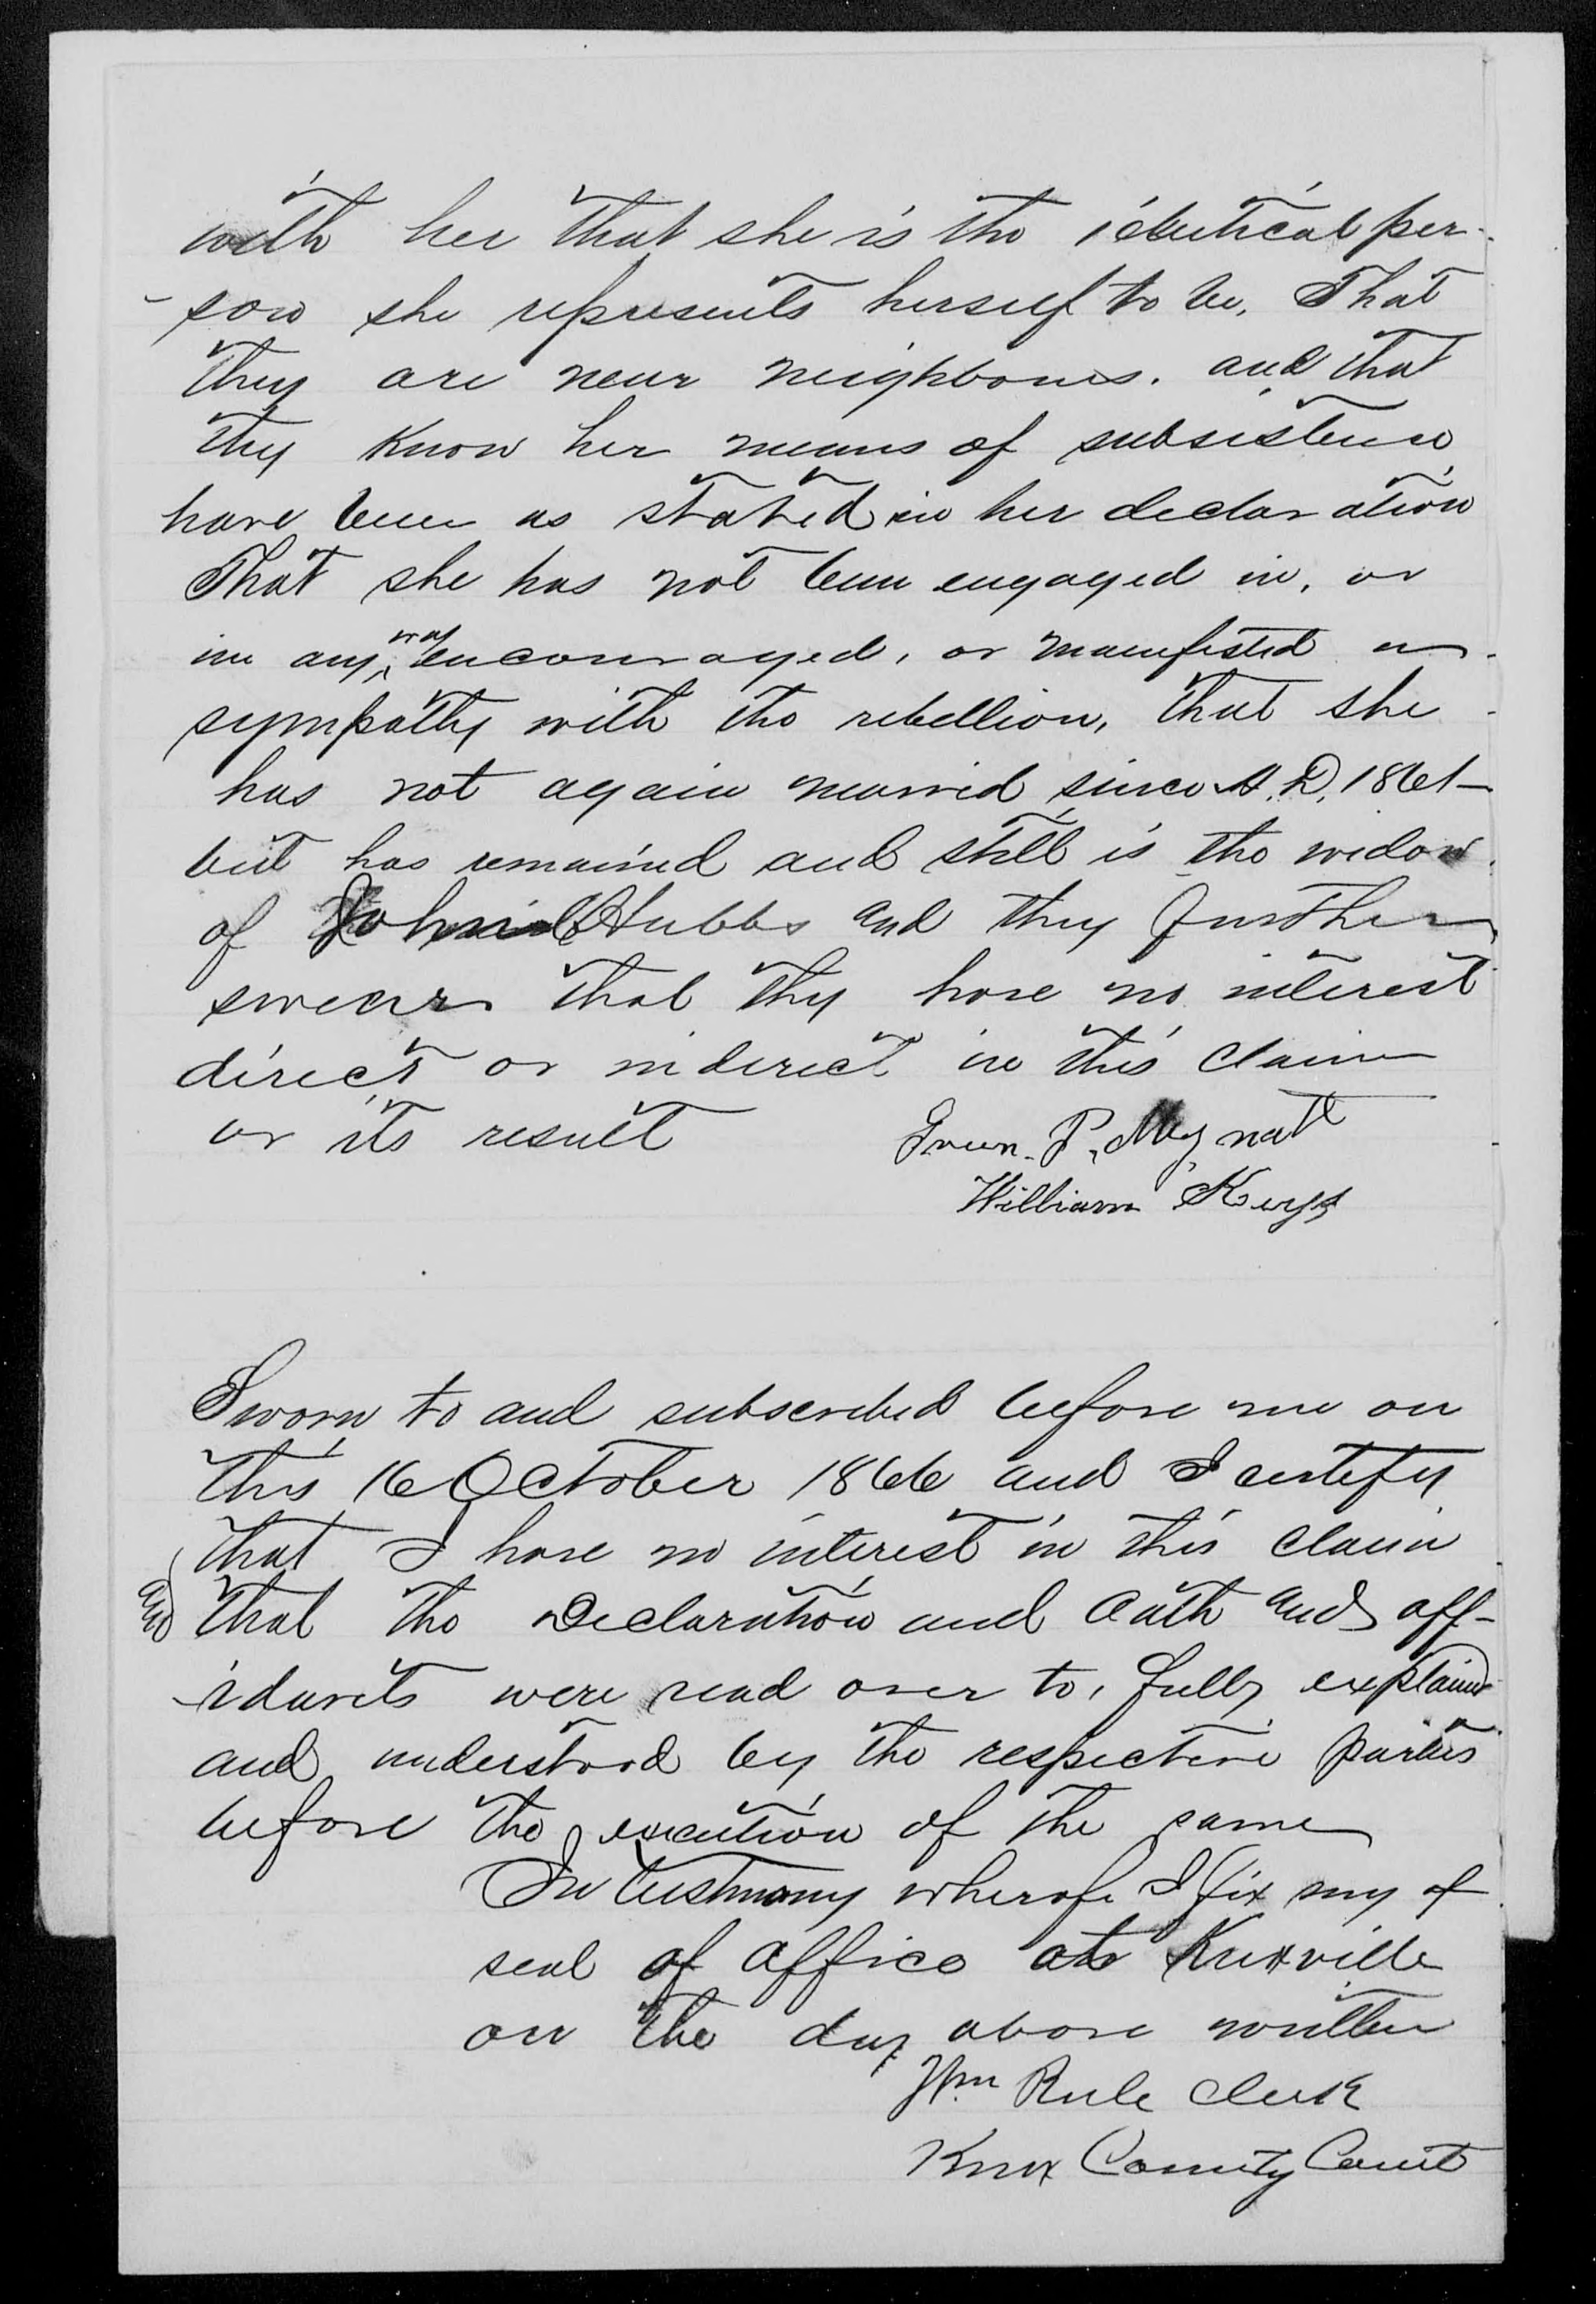with her that she is the identical person she represents herself to be.  That they are near neighbors, and that they know her means of subsistence have been as stated in her declaration.  That she has not been engaged in, or in any way encouraged or manifested any sympathy with this rebellion, that she has not again married since A.D. 1861 but has remained and she is the widow of John C. Hubbs and they just her smear that they have no interest direct or indirect in this claim by its result.

Green Wyanett
William Keys

Sworn to and subscribed before me on this 16 October 1866 and I certify that I have no interest in this claim that this Declaration and Oath its affidavits were read over to, fully explained and understood by the respective parties before the execution of the same.

In testimony where I fix, say and seal of Office of Knoxville on the day above written.

Hon. Rule Clerk
Knox County Court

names: John C Hubbs, William Hubbs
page: 86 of 86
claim: widow's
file: W. 1035, John Hubbs, S.C.